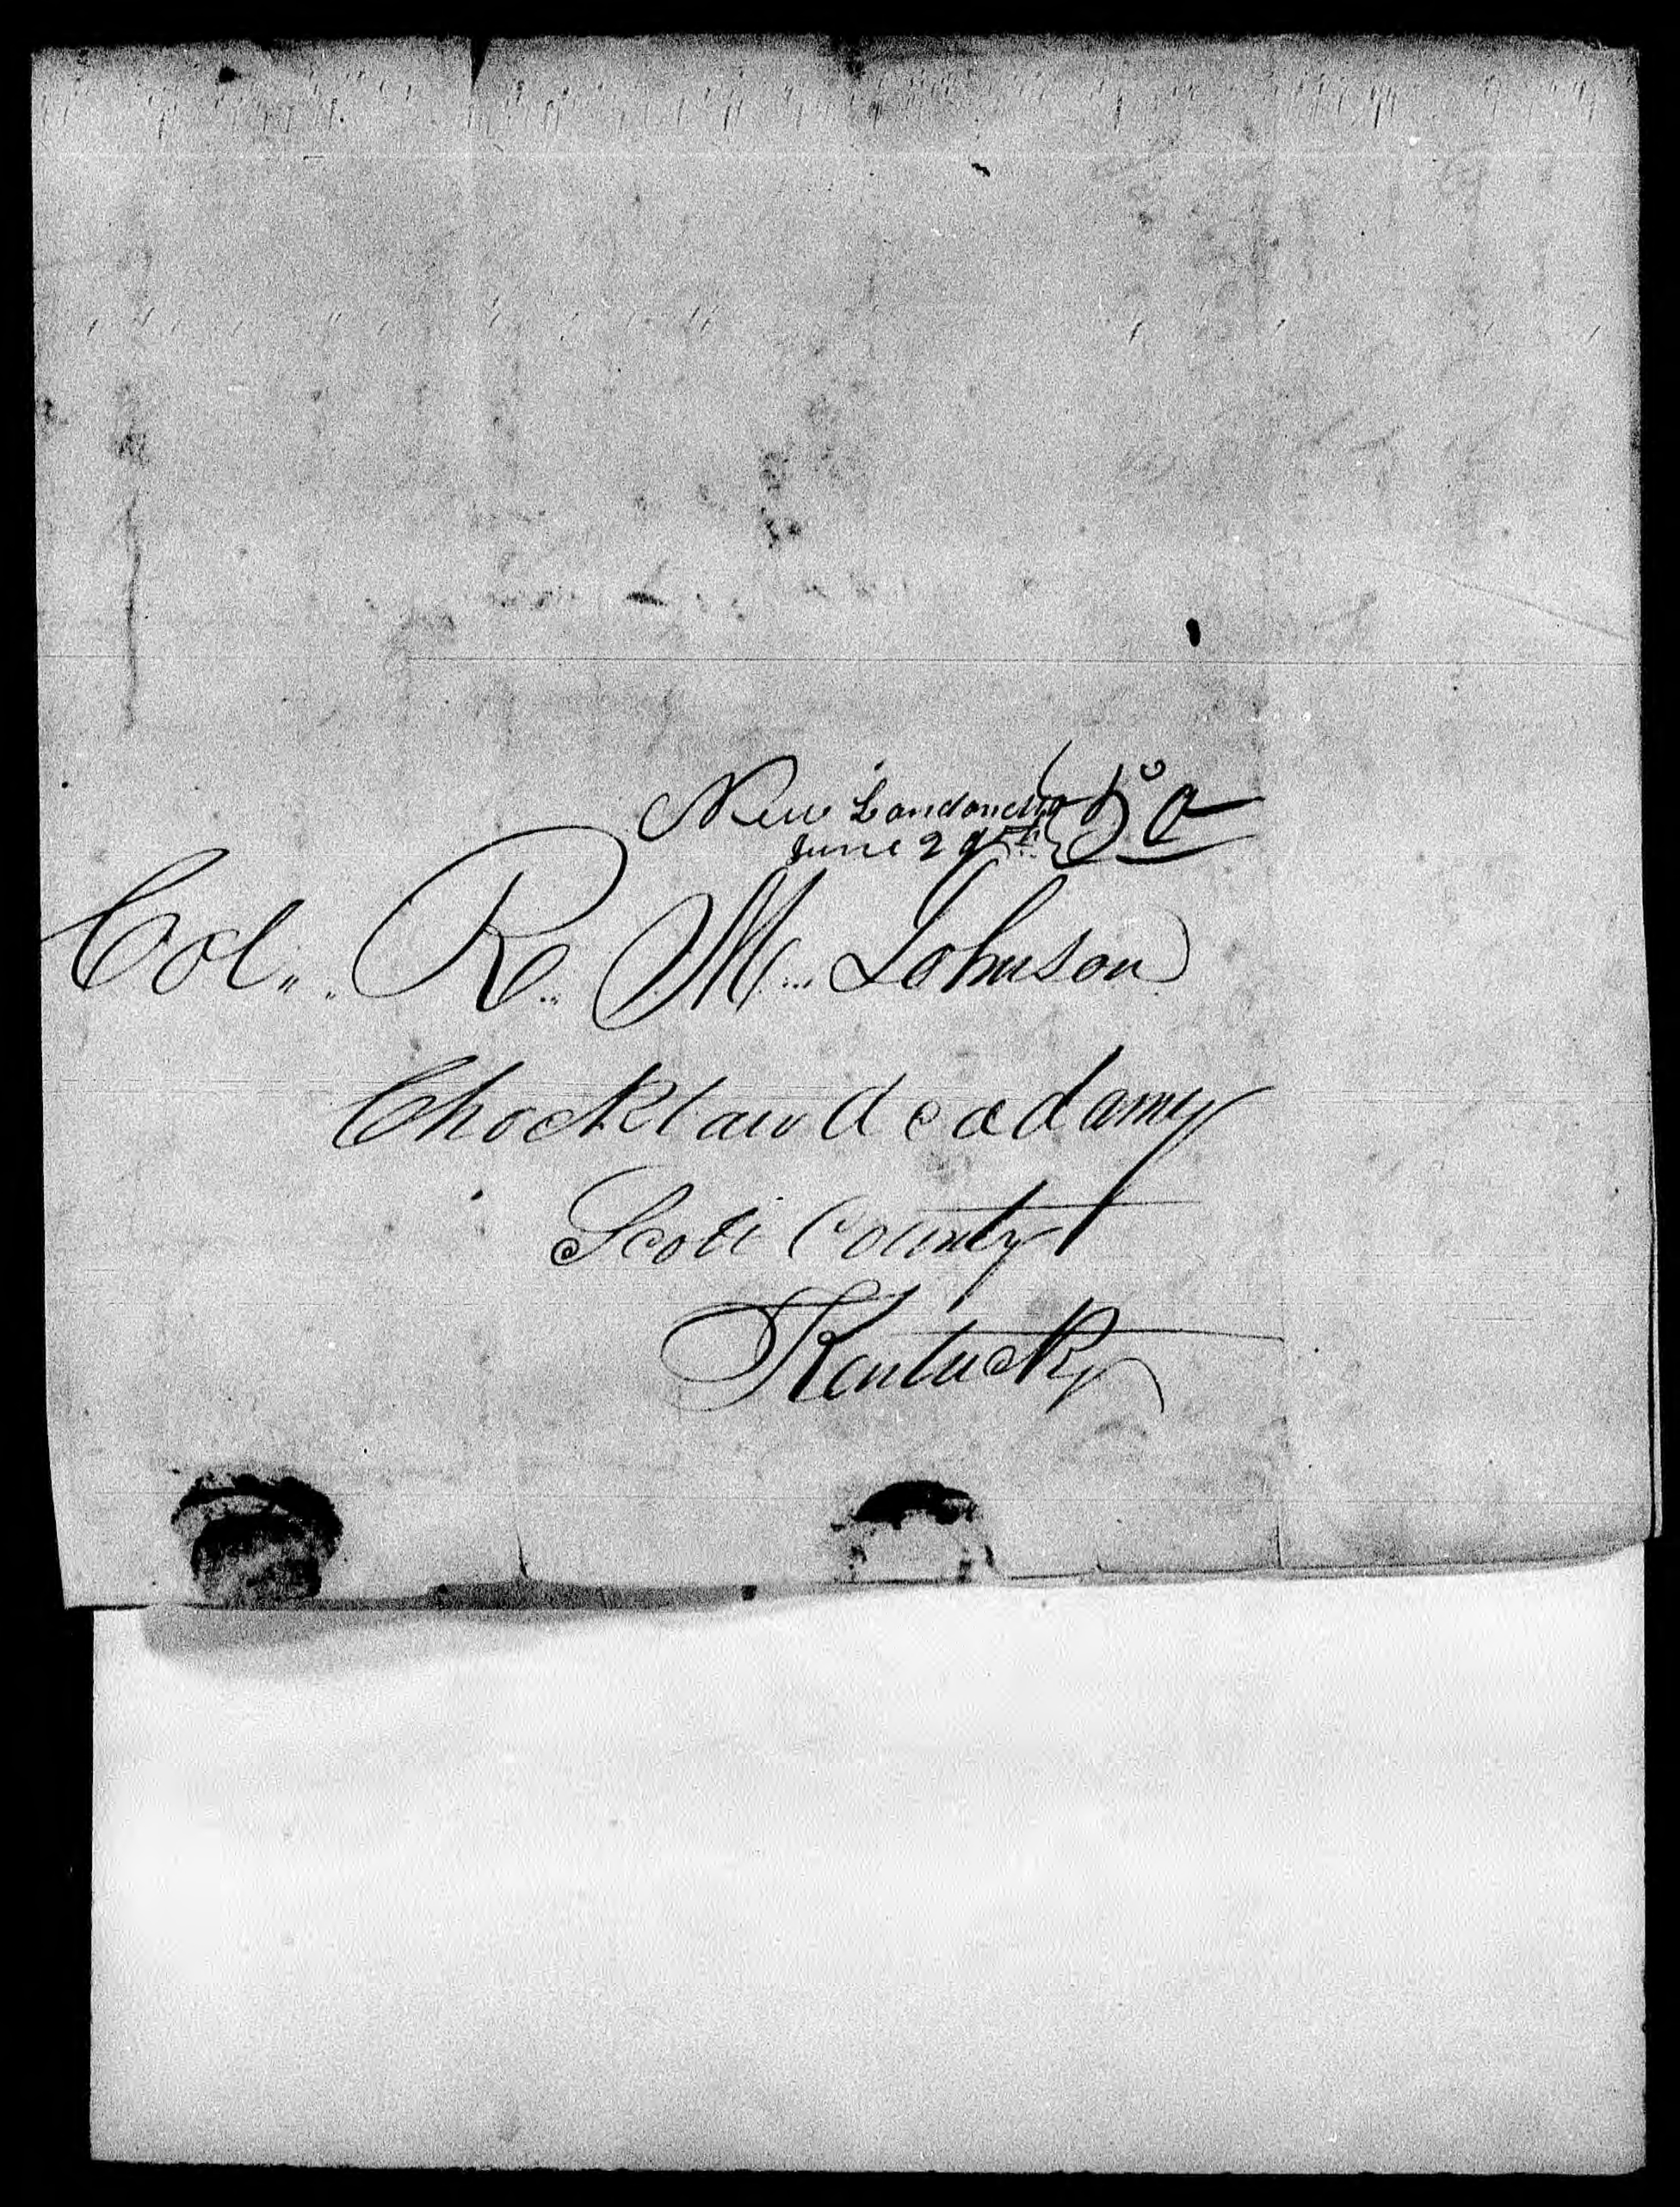New London
June 35th

Col R M Johnson
Chocktaw Academy
Scott County
Kentucky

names: R M Johnson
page: 10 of 19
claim: survivor's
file: S. 16836, Ignatus Greenwell, Md.